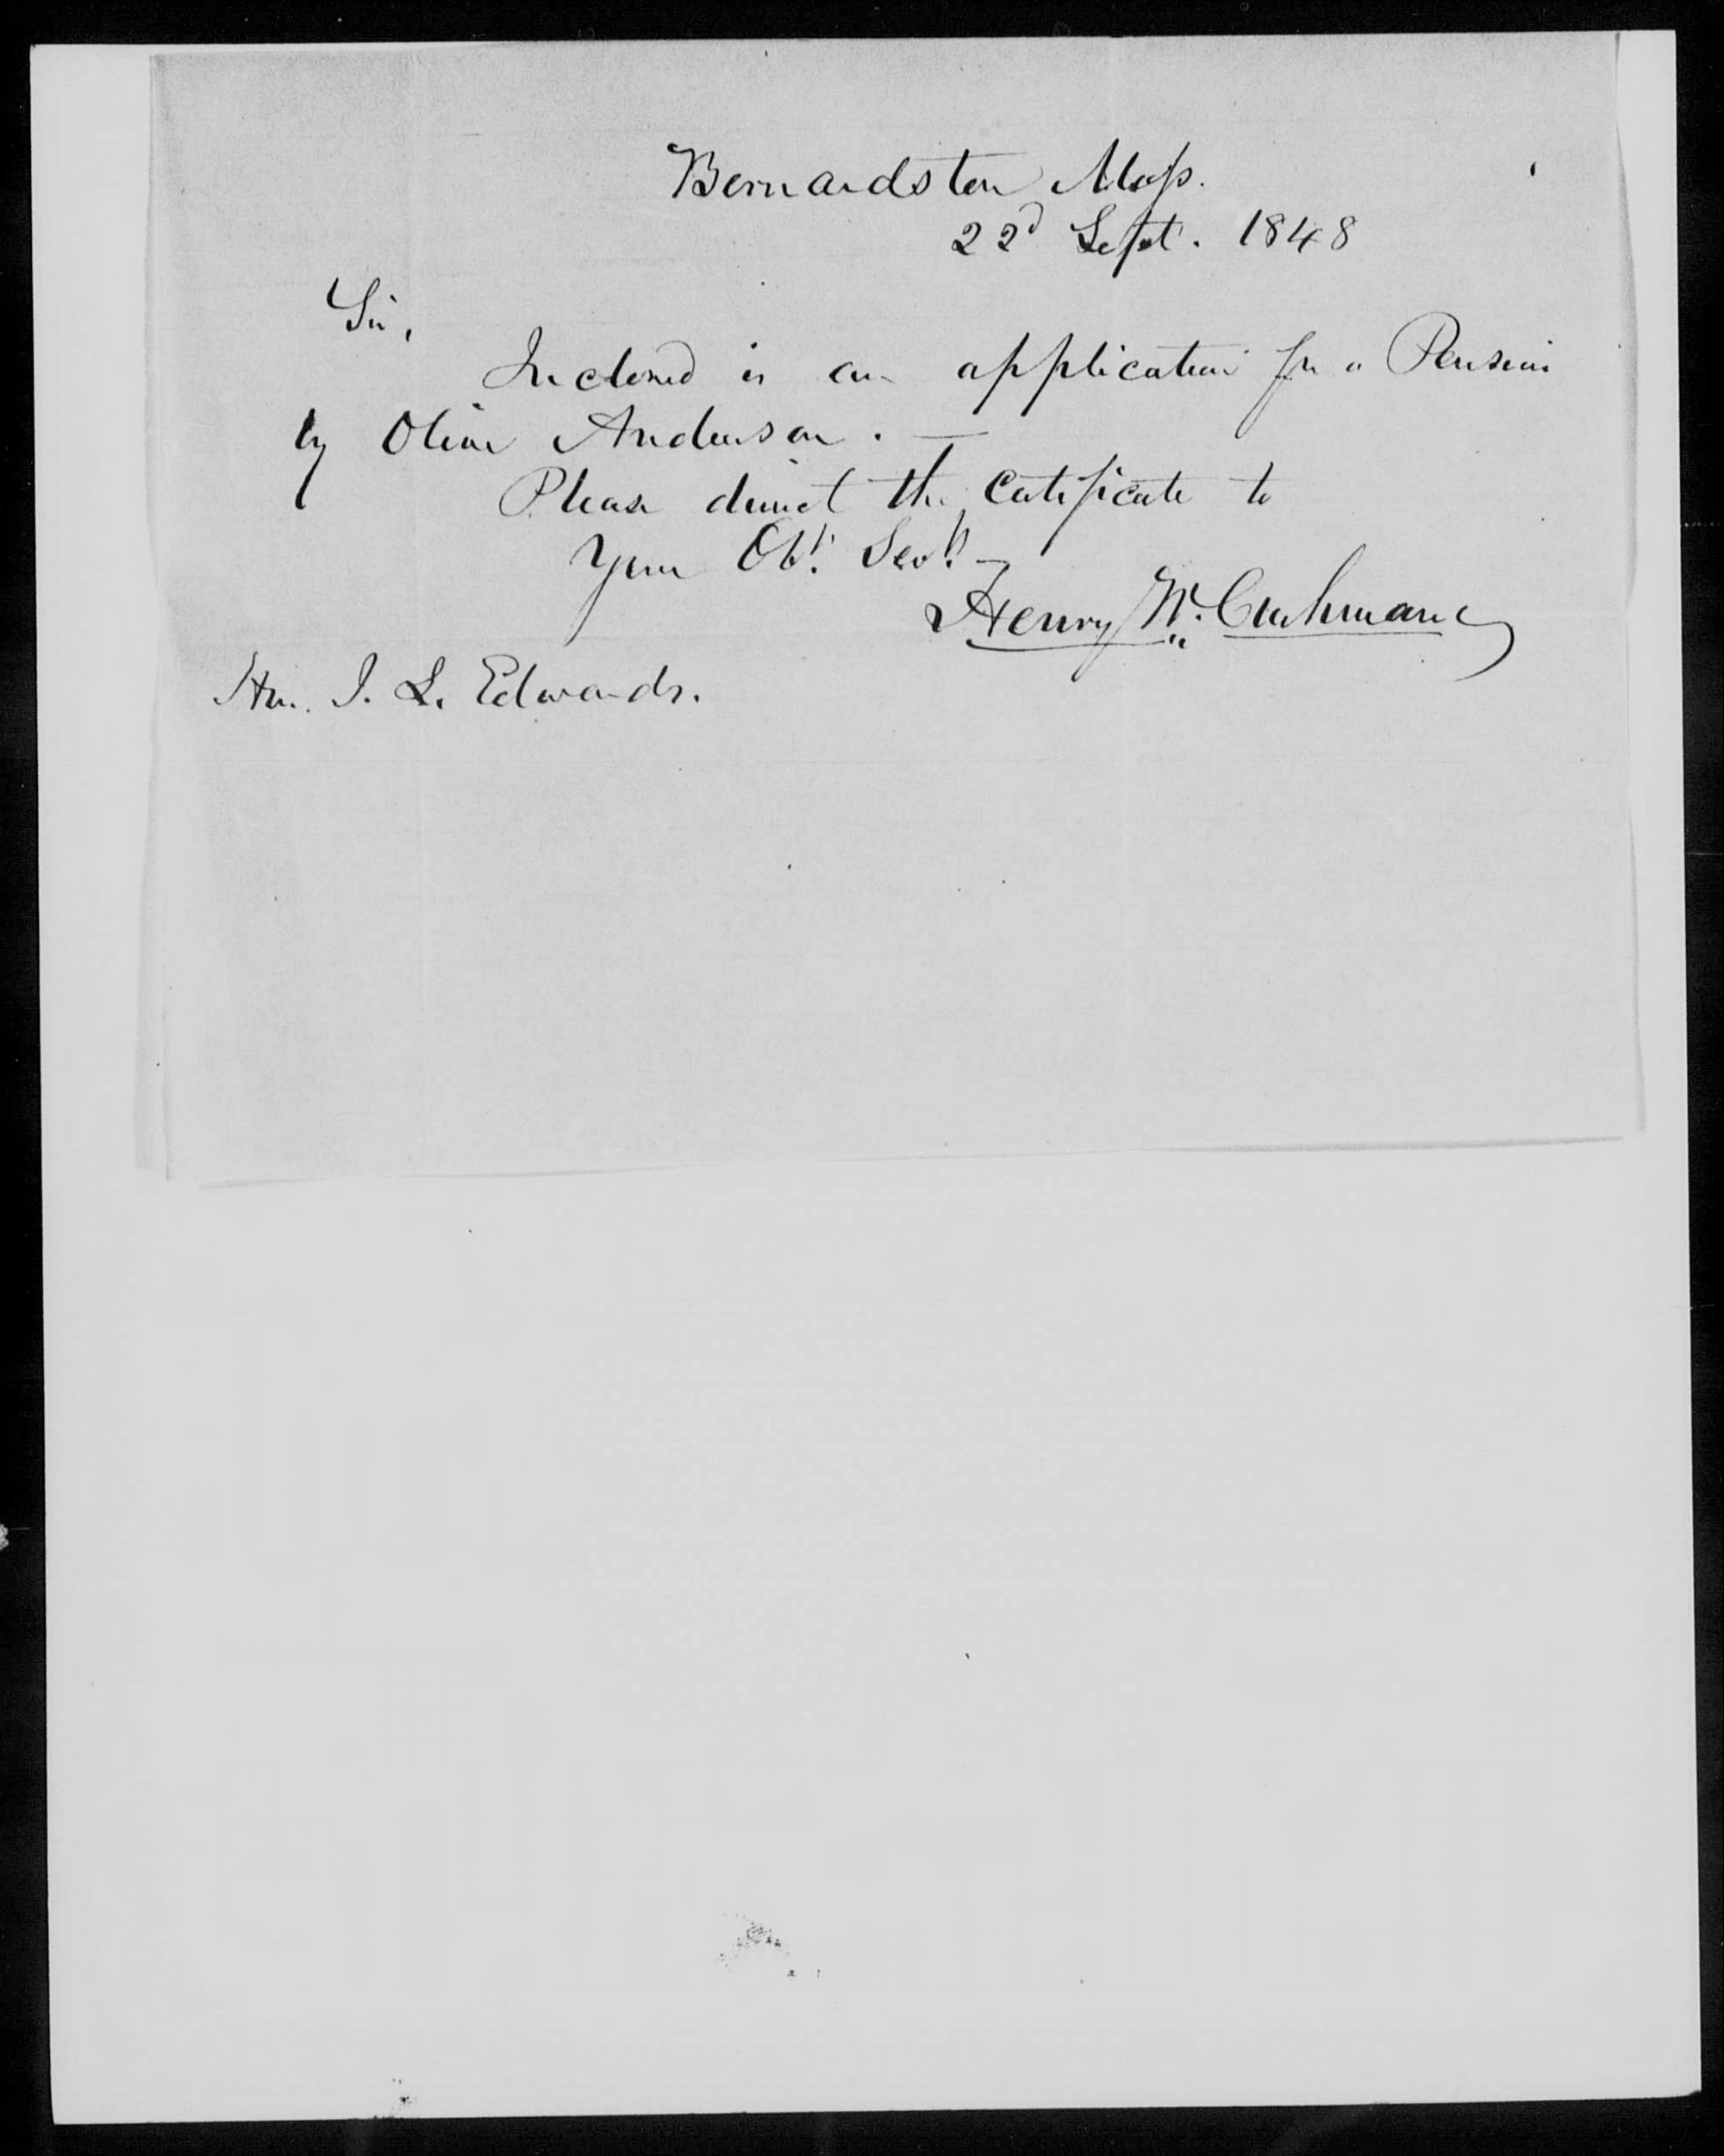Bernardston Mass
22d Sept. 1848
Inclosed is an application for a Pension
by Olive Anderson
Please direct the certificate to
Your Obt Sevt
Henry N. Cushman
Hon. J. L. Edwards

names: Henry W Cushman, Olive Anderson, J L Edwards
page: 36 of 39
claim: widow's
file: W. 20624, David Anderson, Mass